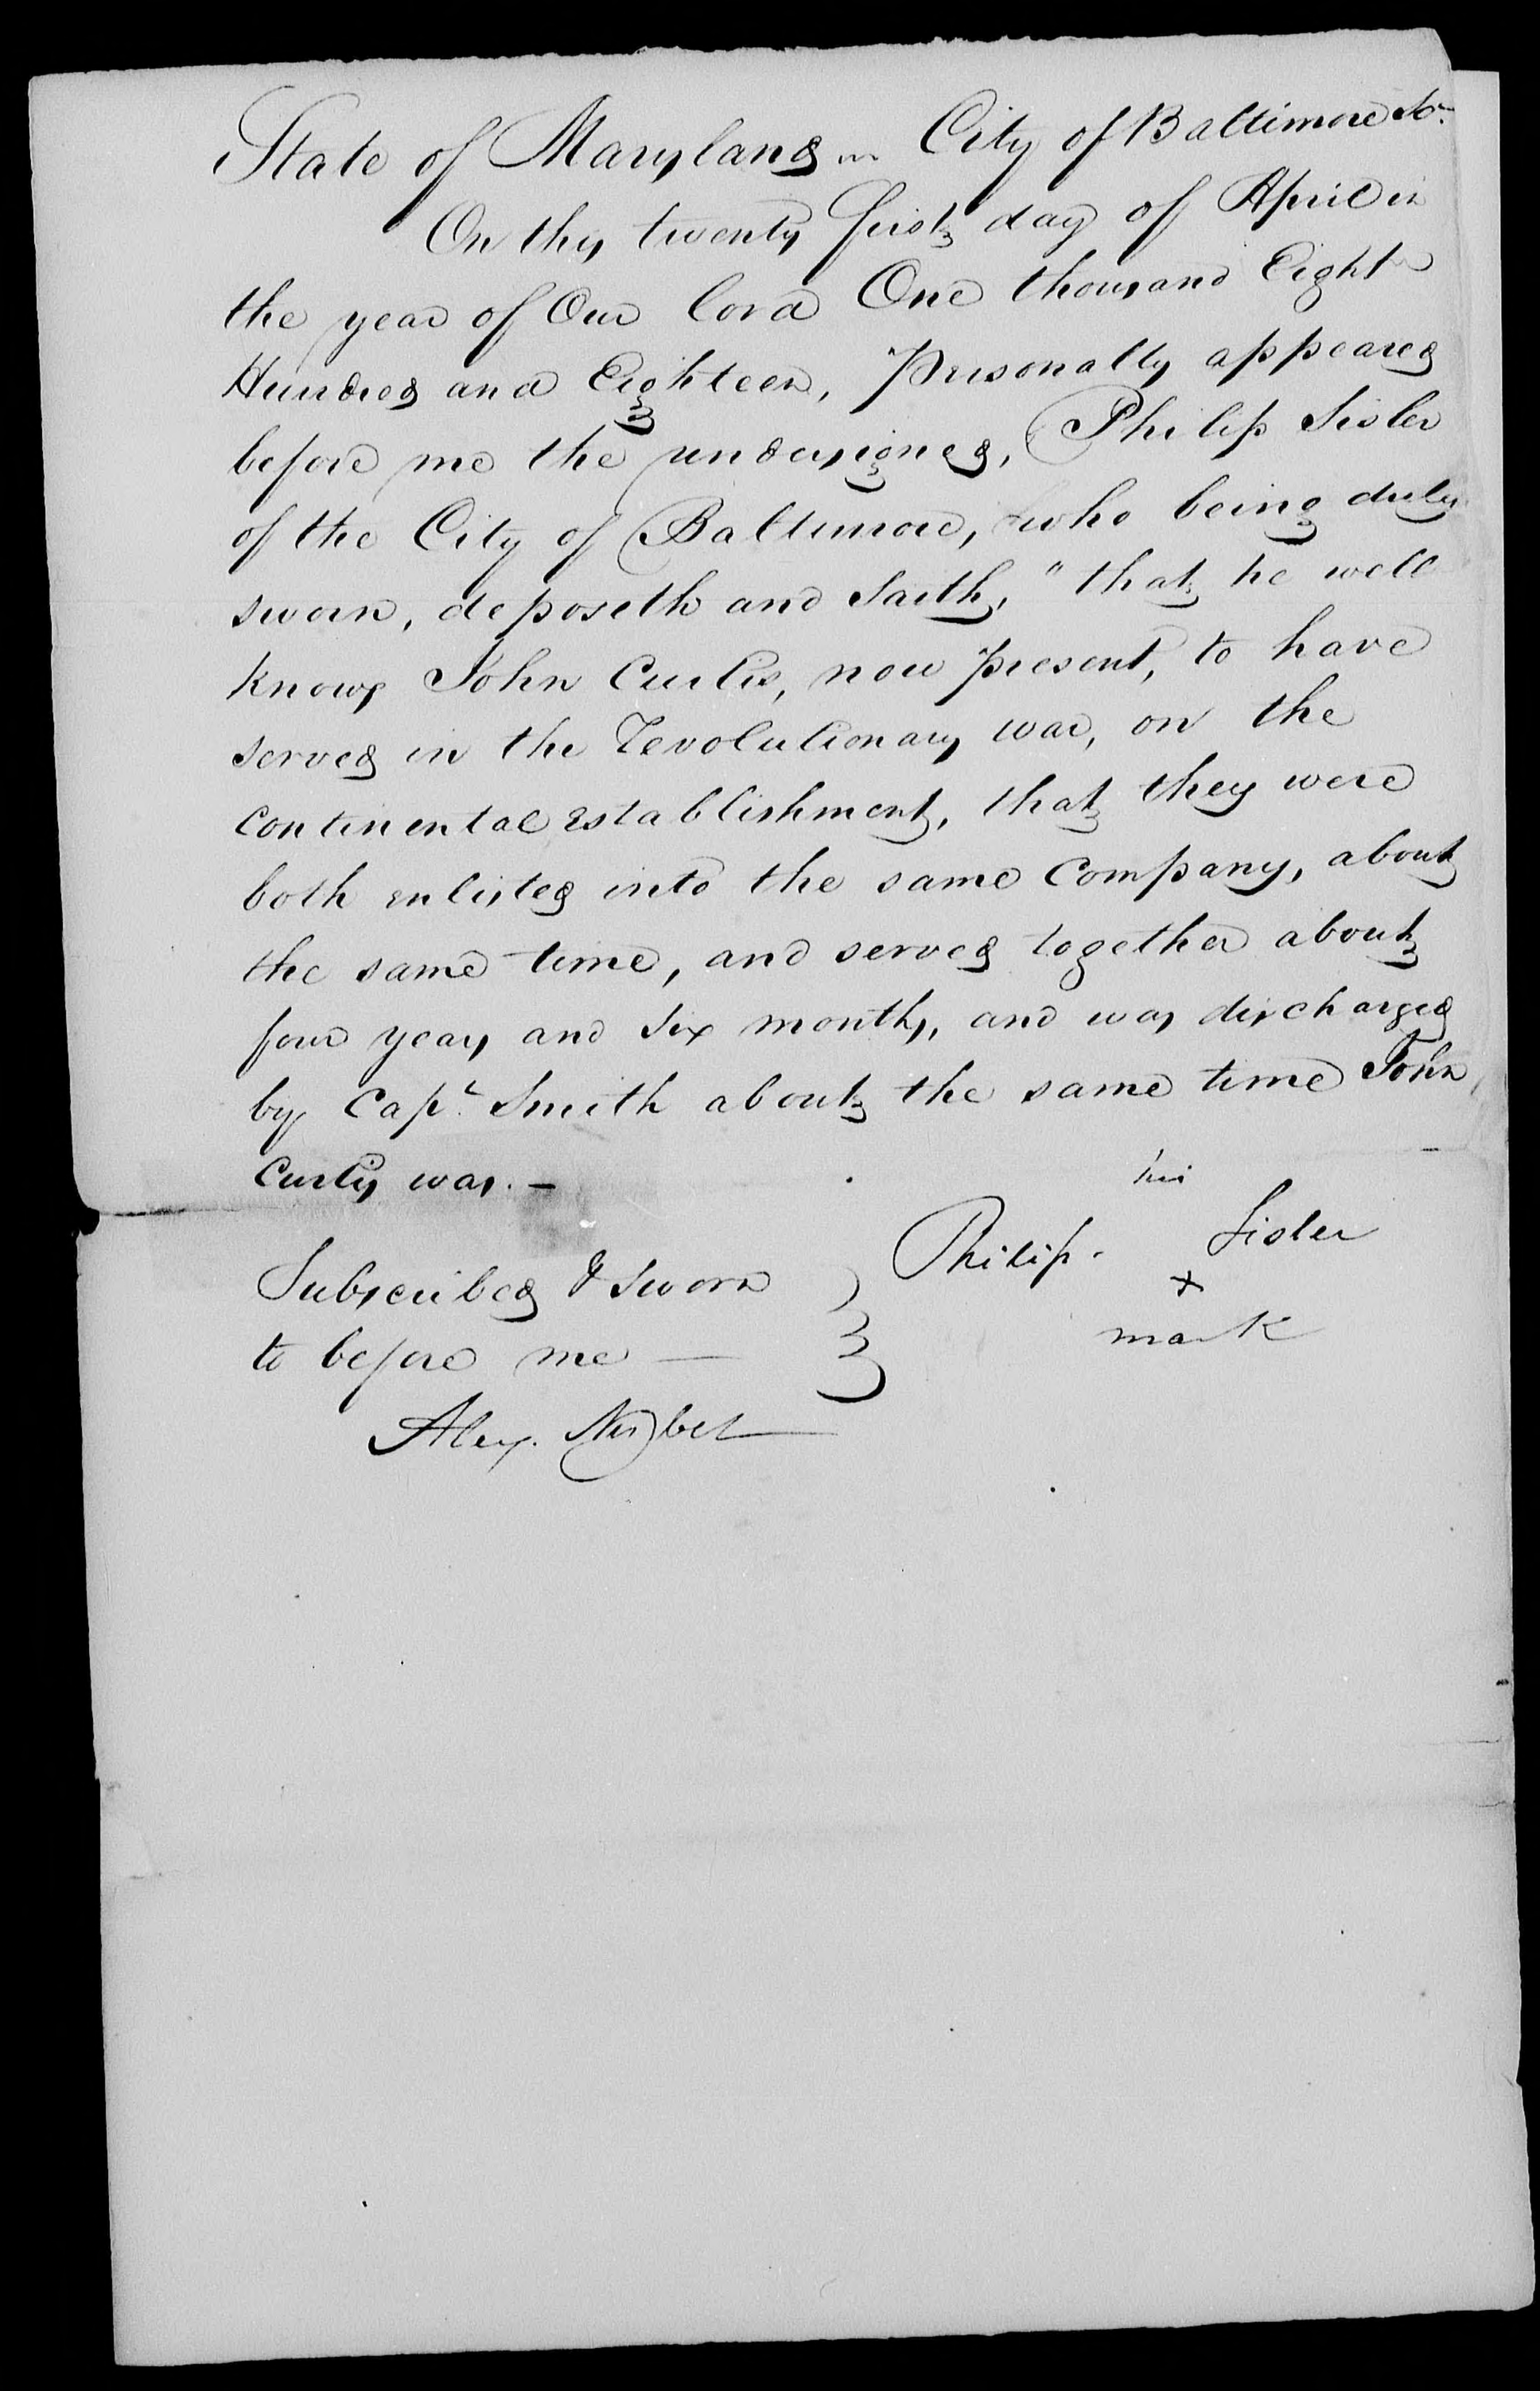State of Maryland -- City of Baltimore Sc.
On this twenty first day of April in the year of Our Lord One thousand Eight Hundred and Eighteen, Personally appeared before me the undersigned, Philip Sisler of the City of Baltimore, who being duly sworn, deposeth and Saith, "that he well knows John Curtis, now present, to have served in the Revolutionary war, on the Continental Establishment, that they were both enlisted into the same Company, about the same time, and served together about four years and six months, and was discharged by Capt. Smith about the same time John Curtis was.-
Philip his X mark Sisler
Subscribed & sworn to before me-
Alex. Nisbet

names: Philip Sisler, Smith, John Curtis, Alex Nisbet, John Curtis, Philip Sisler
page: 14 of 26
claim: survivor's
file: S. 34,725, John Curtis, Md.